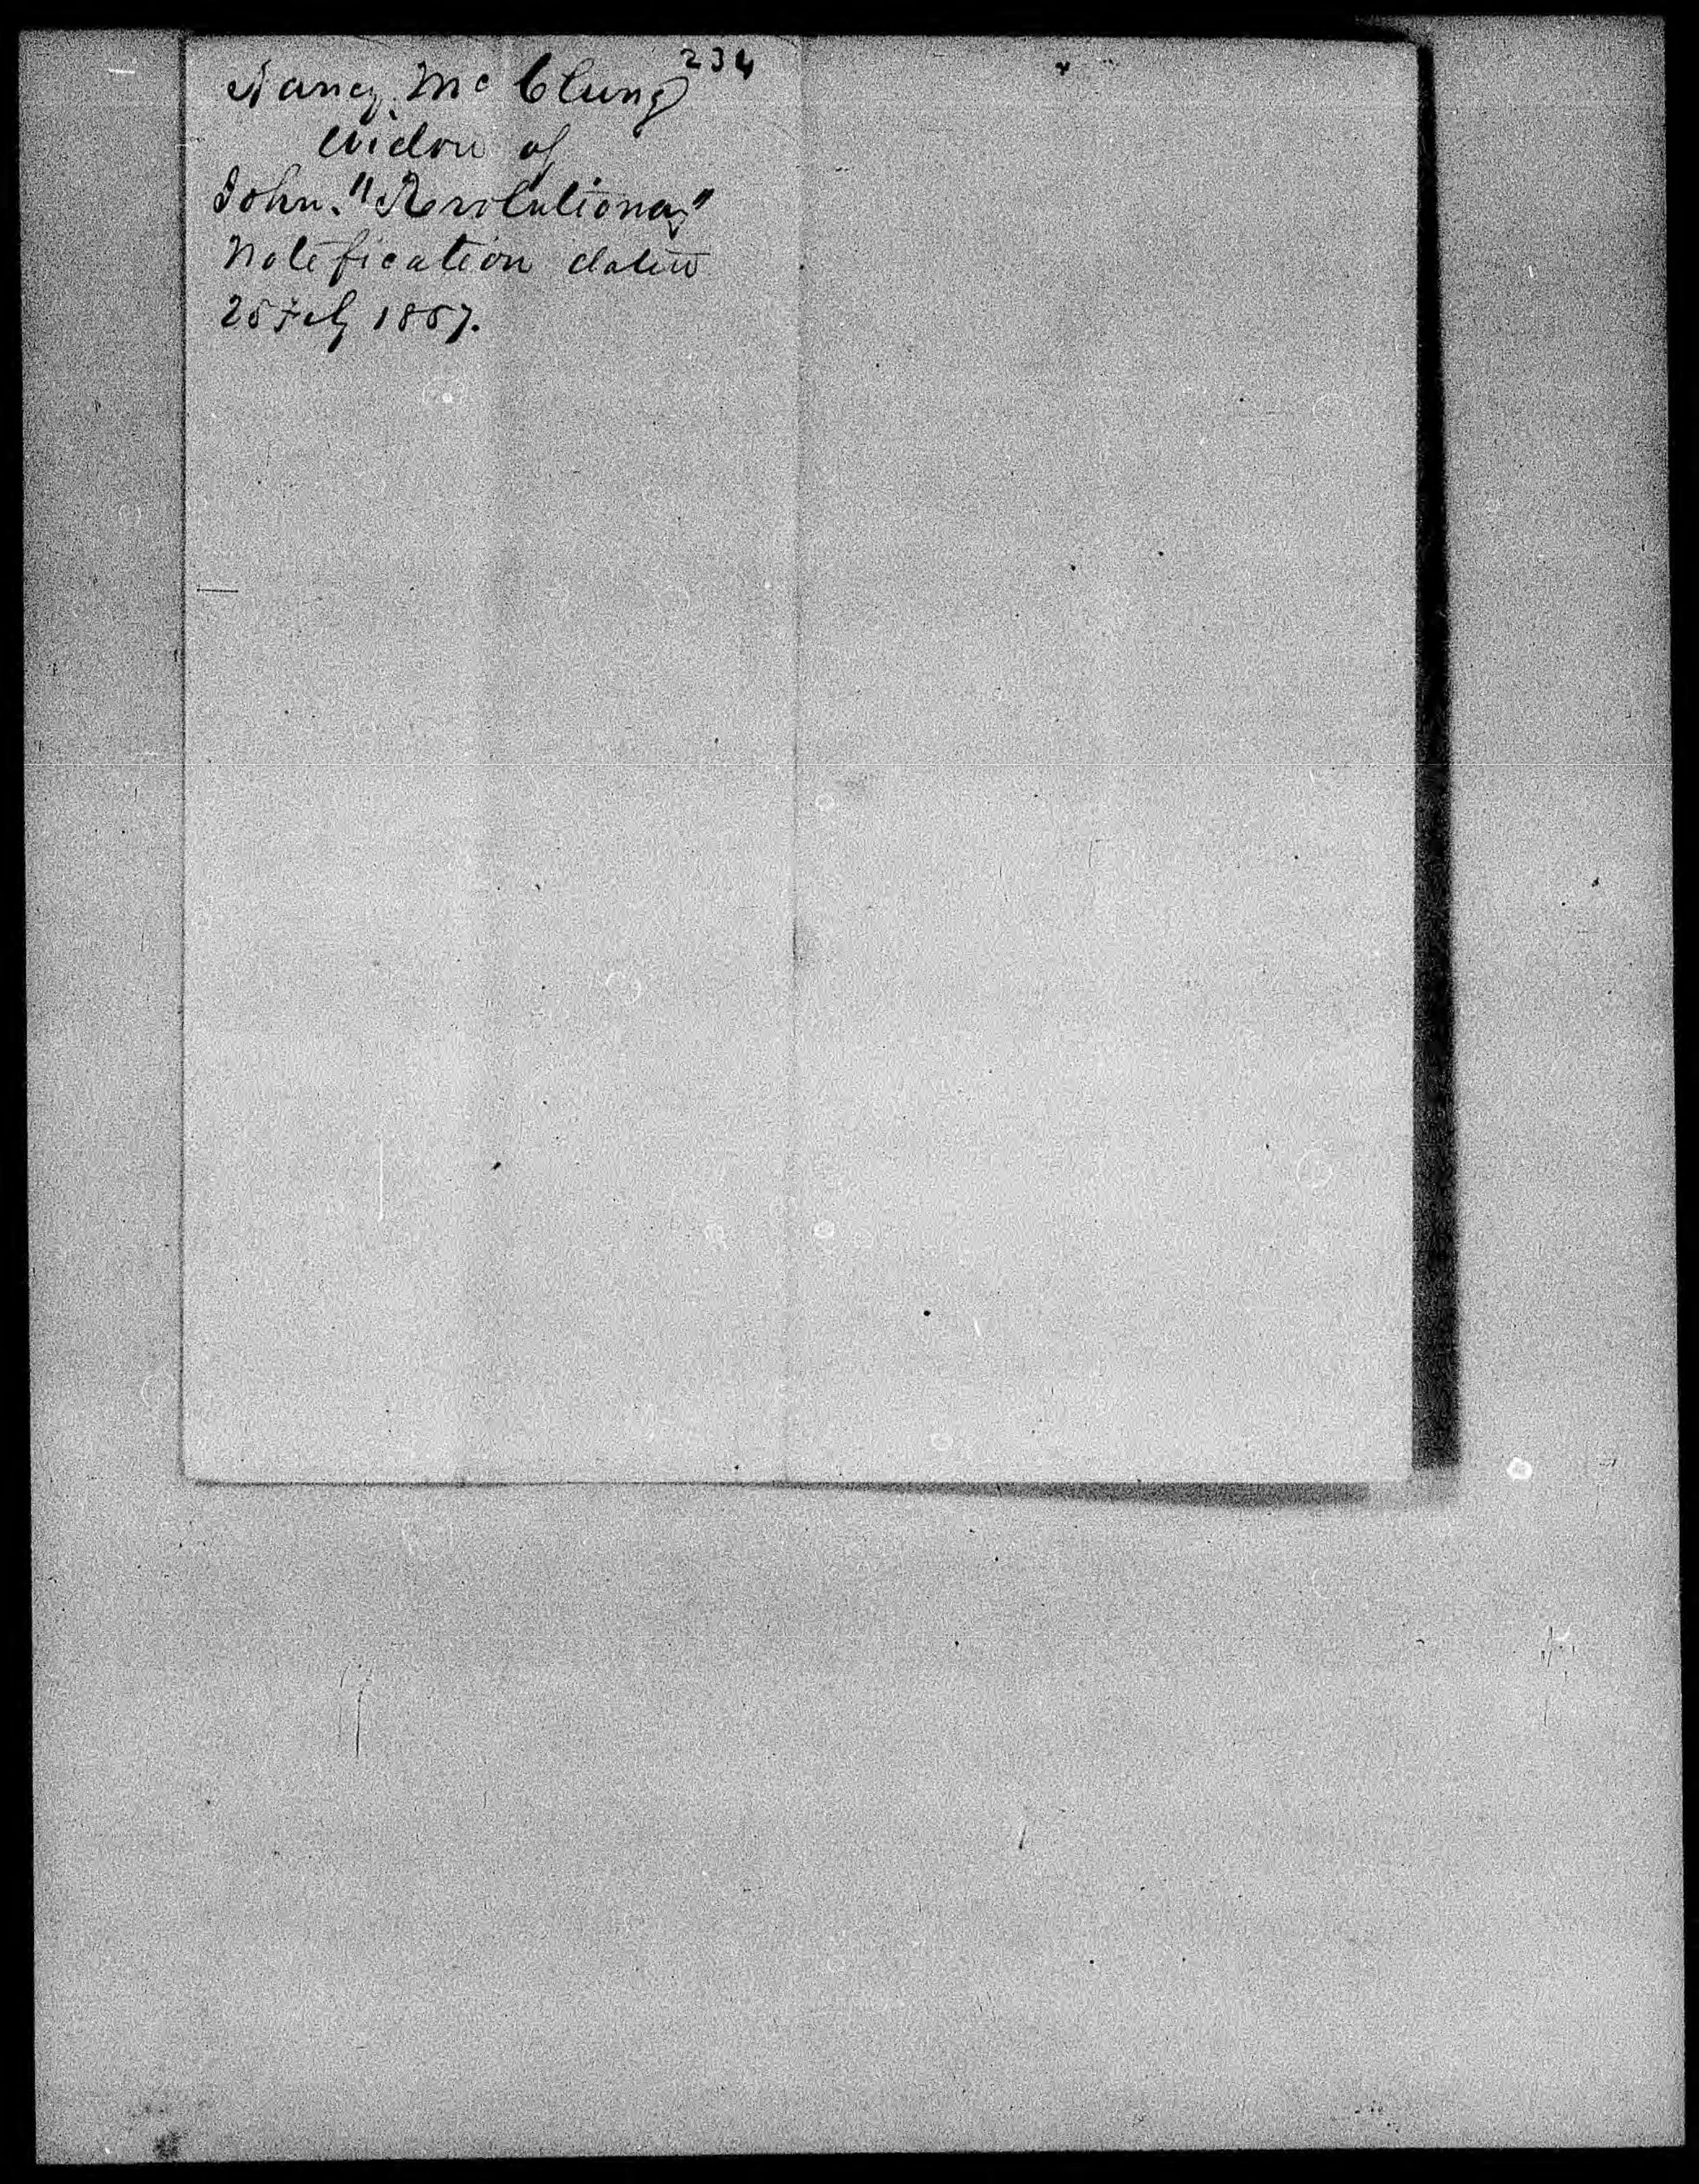Nancy McClung
Widow of
John Revolution
Notification dated
25 Feby 1857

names: John Mc Clung; Nancy Mc Clung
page: 100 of 115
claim: widow's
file: W. 1446, for John Mc Clung, South Carolina